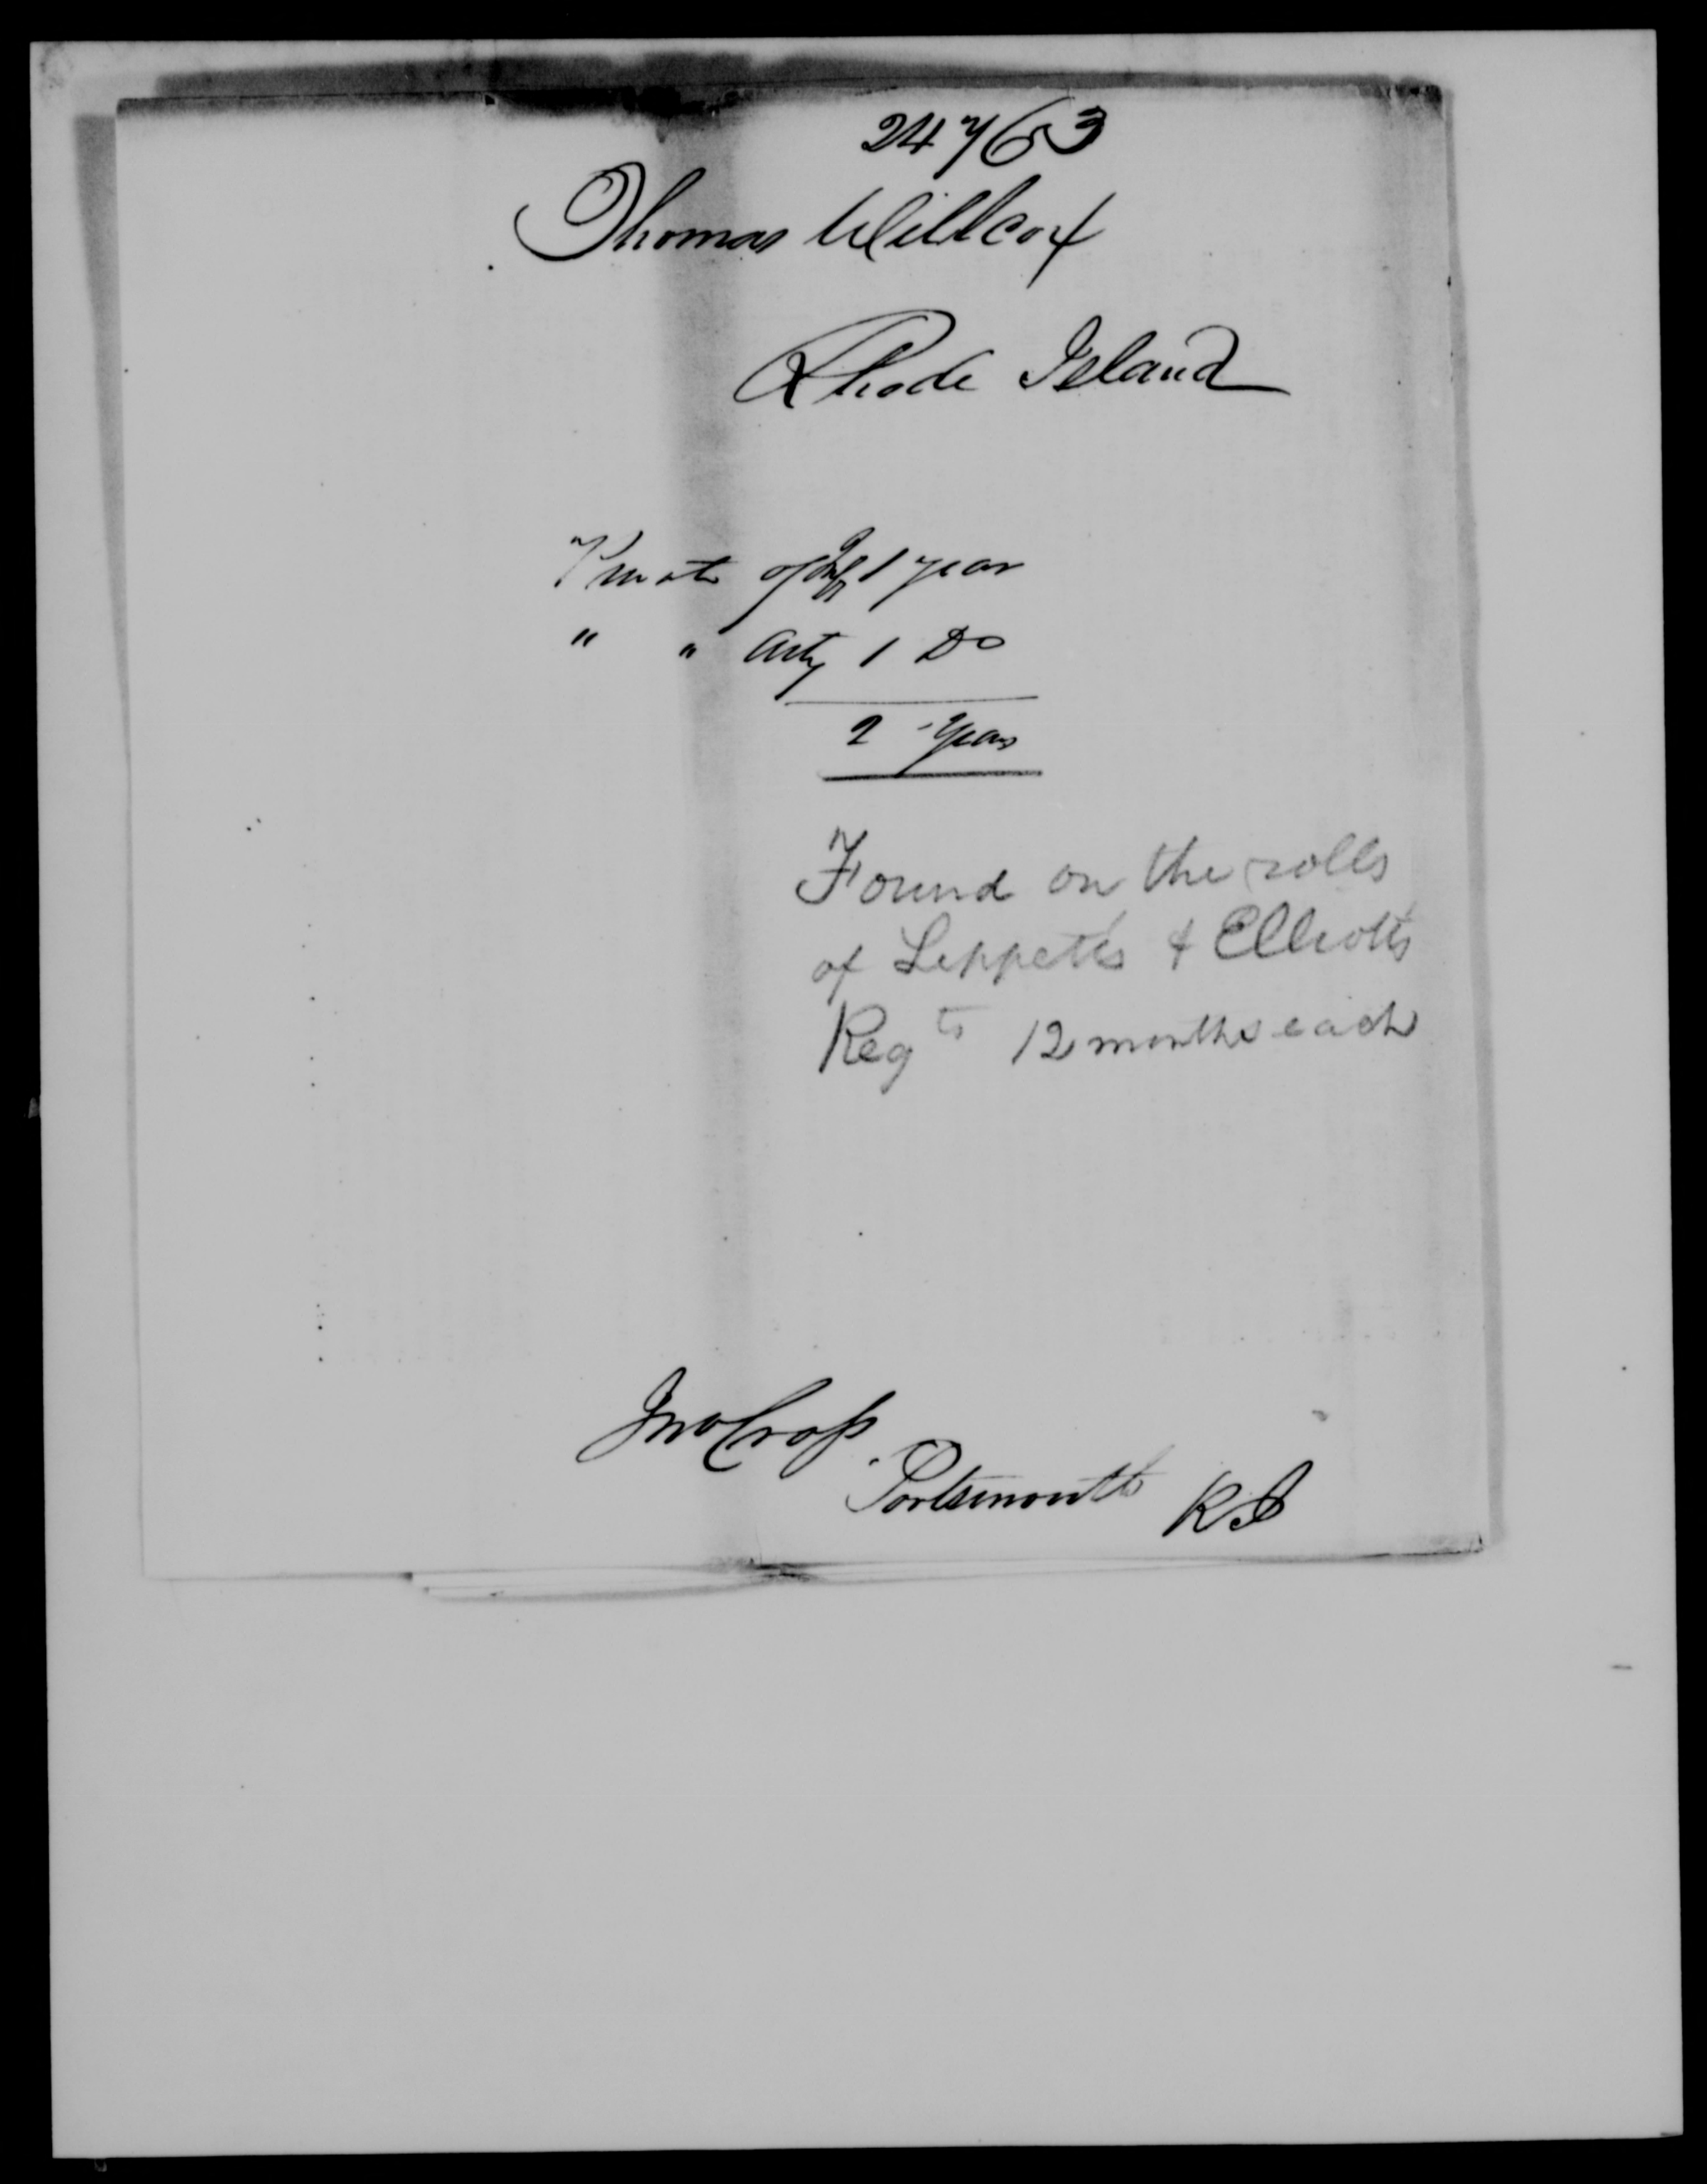24763
Thomas Willcox
Rhode Island
[illegible]of [illegible] 1 year
[illegible] Arty 1Do
2- years
Found on the rolls
of Lippetts & Elliotts
Regts 12 months each
[illegible]
Portsmouth Ret [?]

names: Thomas Willcox, Jno Cross, Elliott, Lippett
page: 17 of 39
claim: widow's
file: W. 26046, Thomas Willcox, R.I.